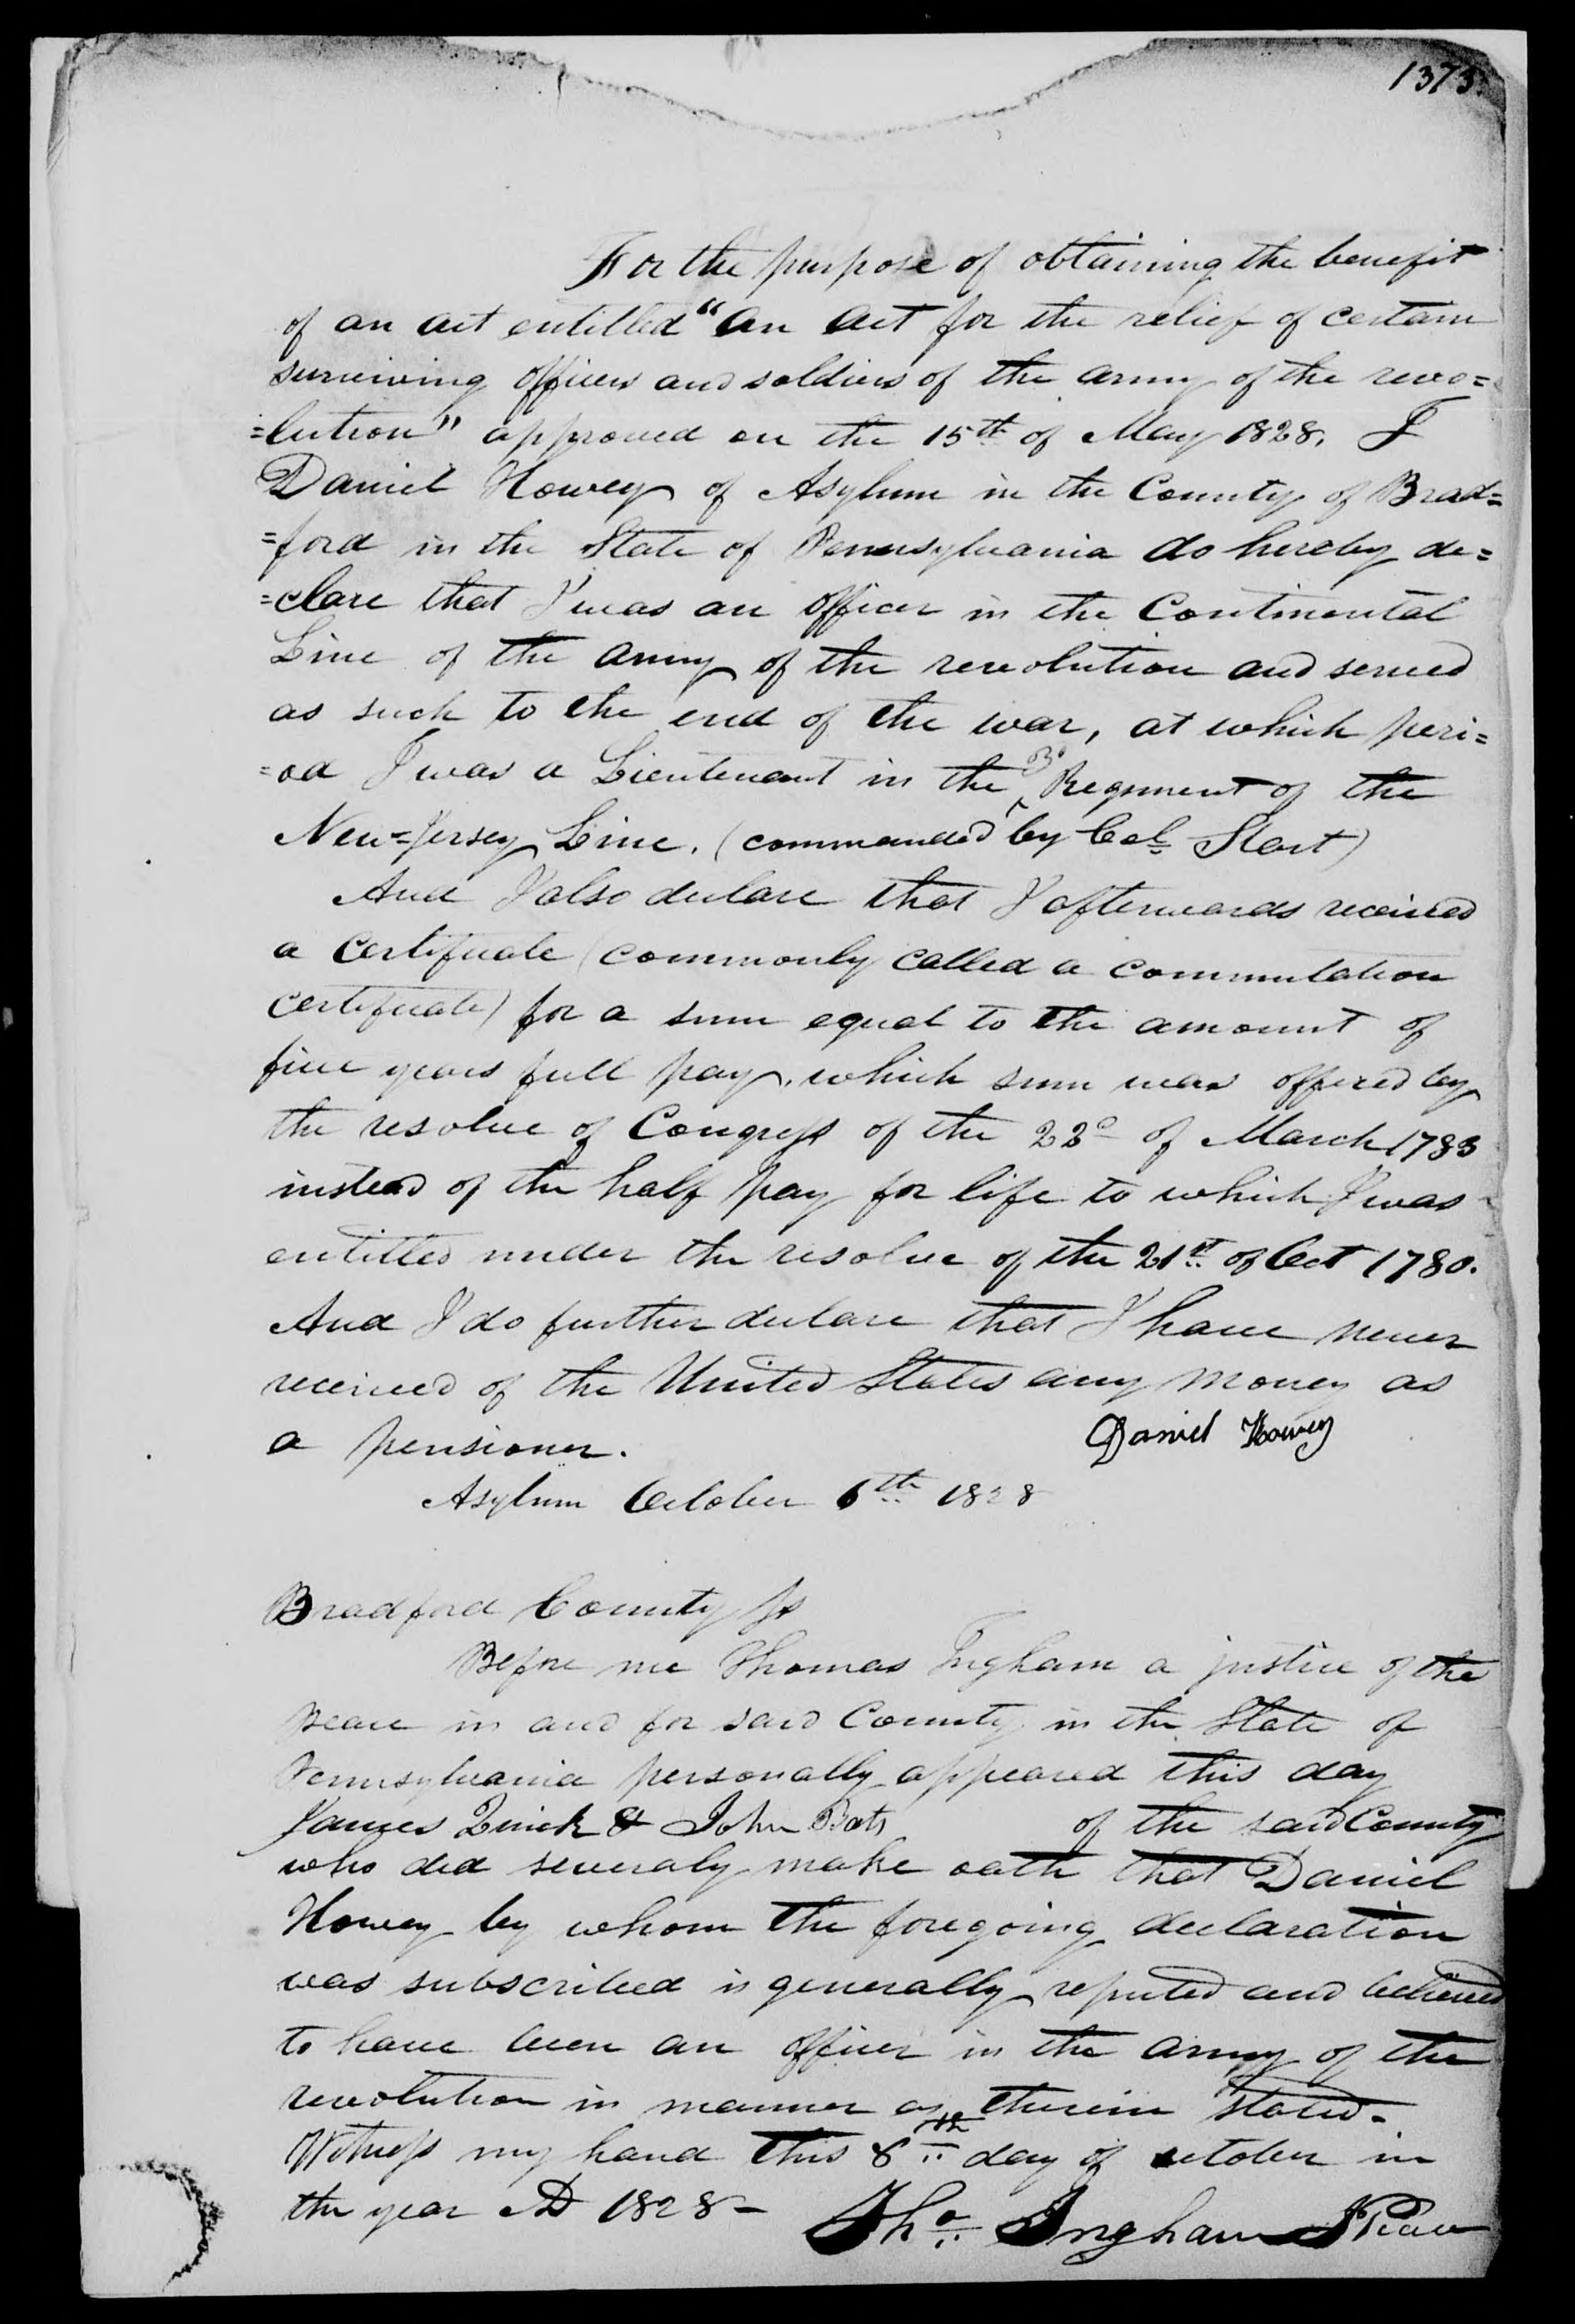For the purpose of obtaining the benefit of an act entitled "an act for the relief of certain surviving officers and soldiers of the army of the revolution" approved on the 15th of May 1828. I Daniel Howey of Asylum in the County of Bradford in the State of Pennsylvania do hereby declare that I was an officer in the Continental Line of the Army of the revolution and served as such to the end of the war, at which period I was a Lieutenant in the 3rd Regiment of the New Jersey Line. (commanded by Col. Stout) And I also declare that I afterwards received a Certificate (commonly called a commutation certificate) for a sum equal to the amount of five years full pay, which sum was offered by the resolve of Congress of the 22nd of March 1783 instead of the half pay for life to which I was entitled under the resolve of the 21st of Act 1780. And I do further declare that I have never received of the United States any money as a pensioner.
Asylum October 6th, 1828
Bradford County P
Before me Thomas Ingham a justice of the peace in and for said County in the State of Pennsylvania personally appeared this day James Quick and John Bats of the said county who did severaly make oath that Daniel Howey by whom the foregoing declaration was subscribed is generally reputed and believed to have been an officer in the army of the revolution in manner as therein states. Witness my hand this 8th day of October in the year AD 1828. Tho. Ingham J Peace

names: James Quick, Daniel Howey, John Bats, Thomas Ingham, Stout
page: 6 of 25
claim: rejected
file: R. 5190, Daniel Howey, New Jersey New York